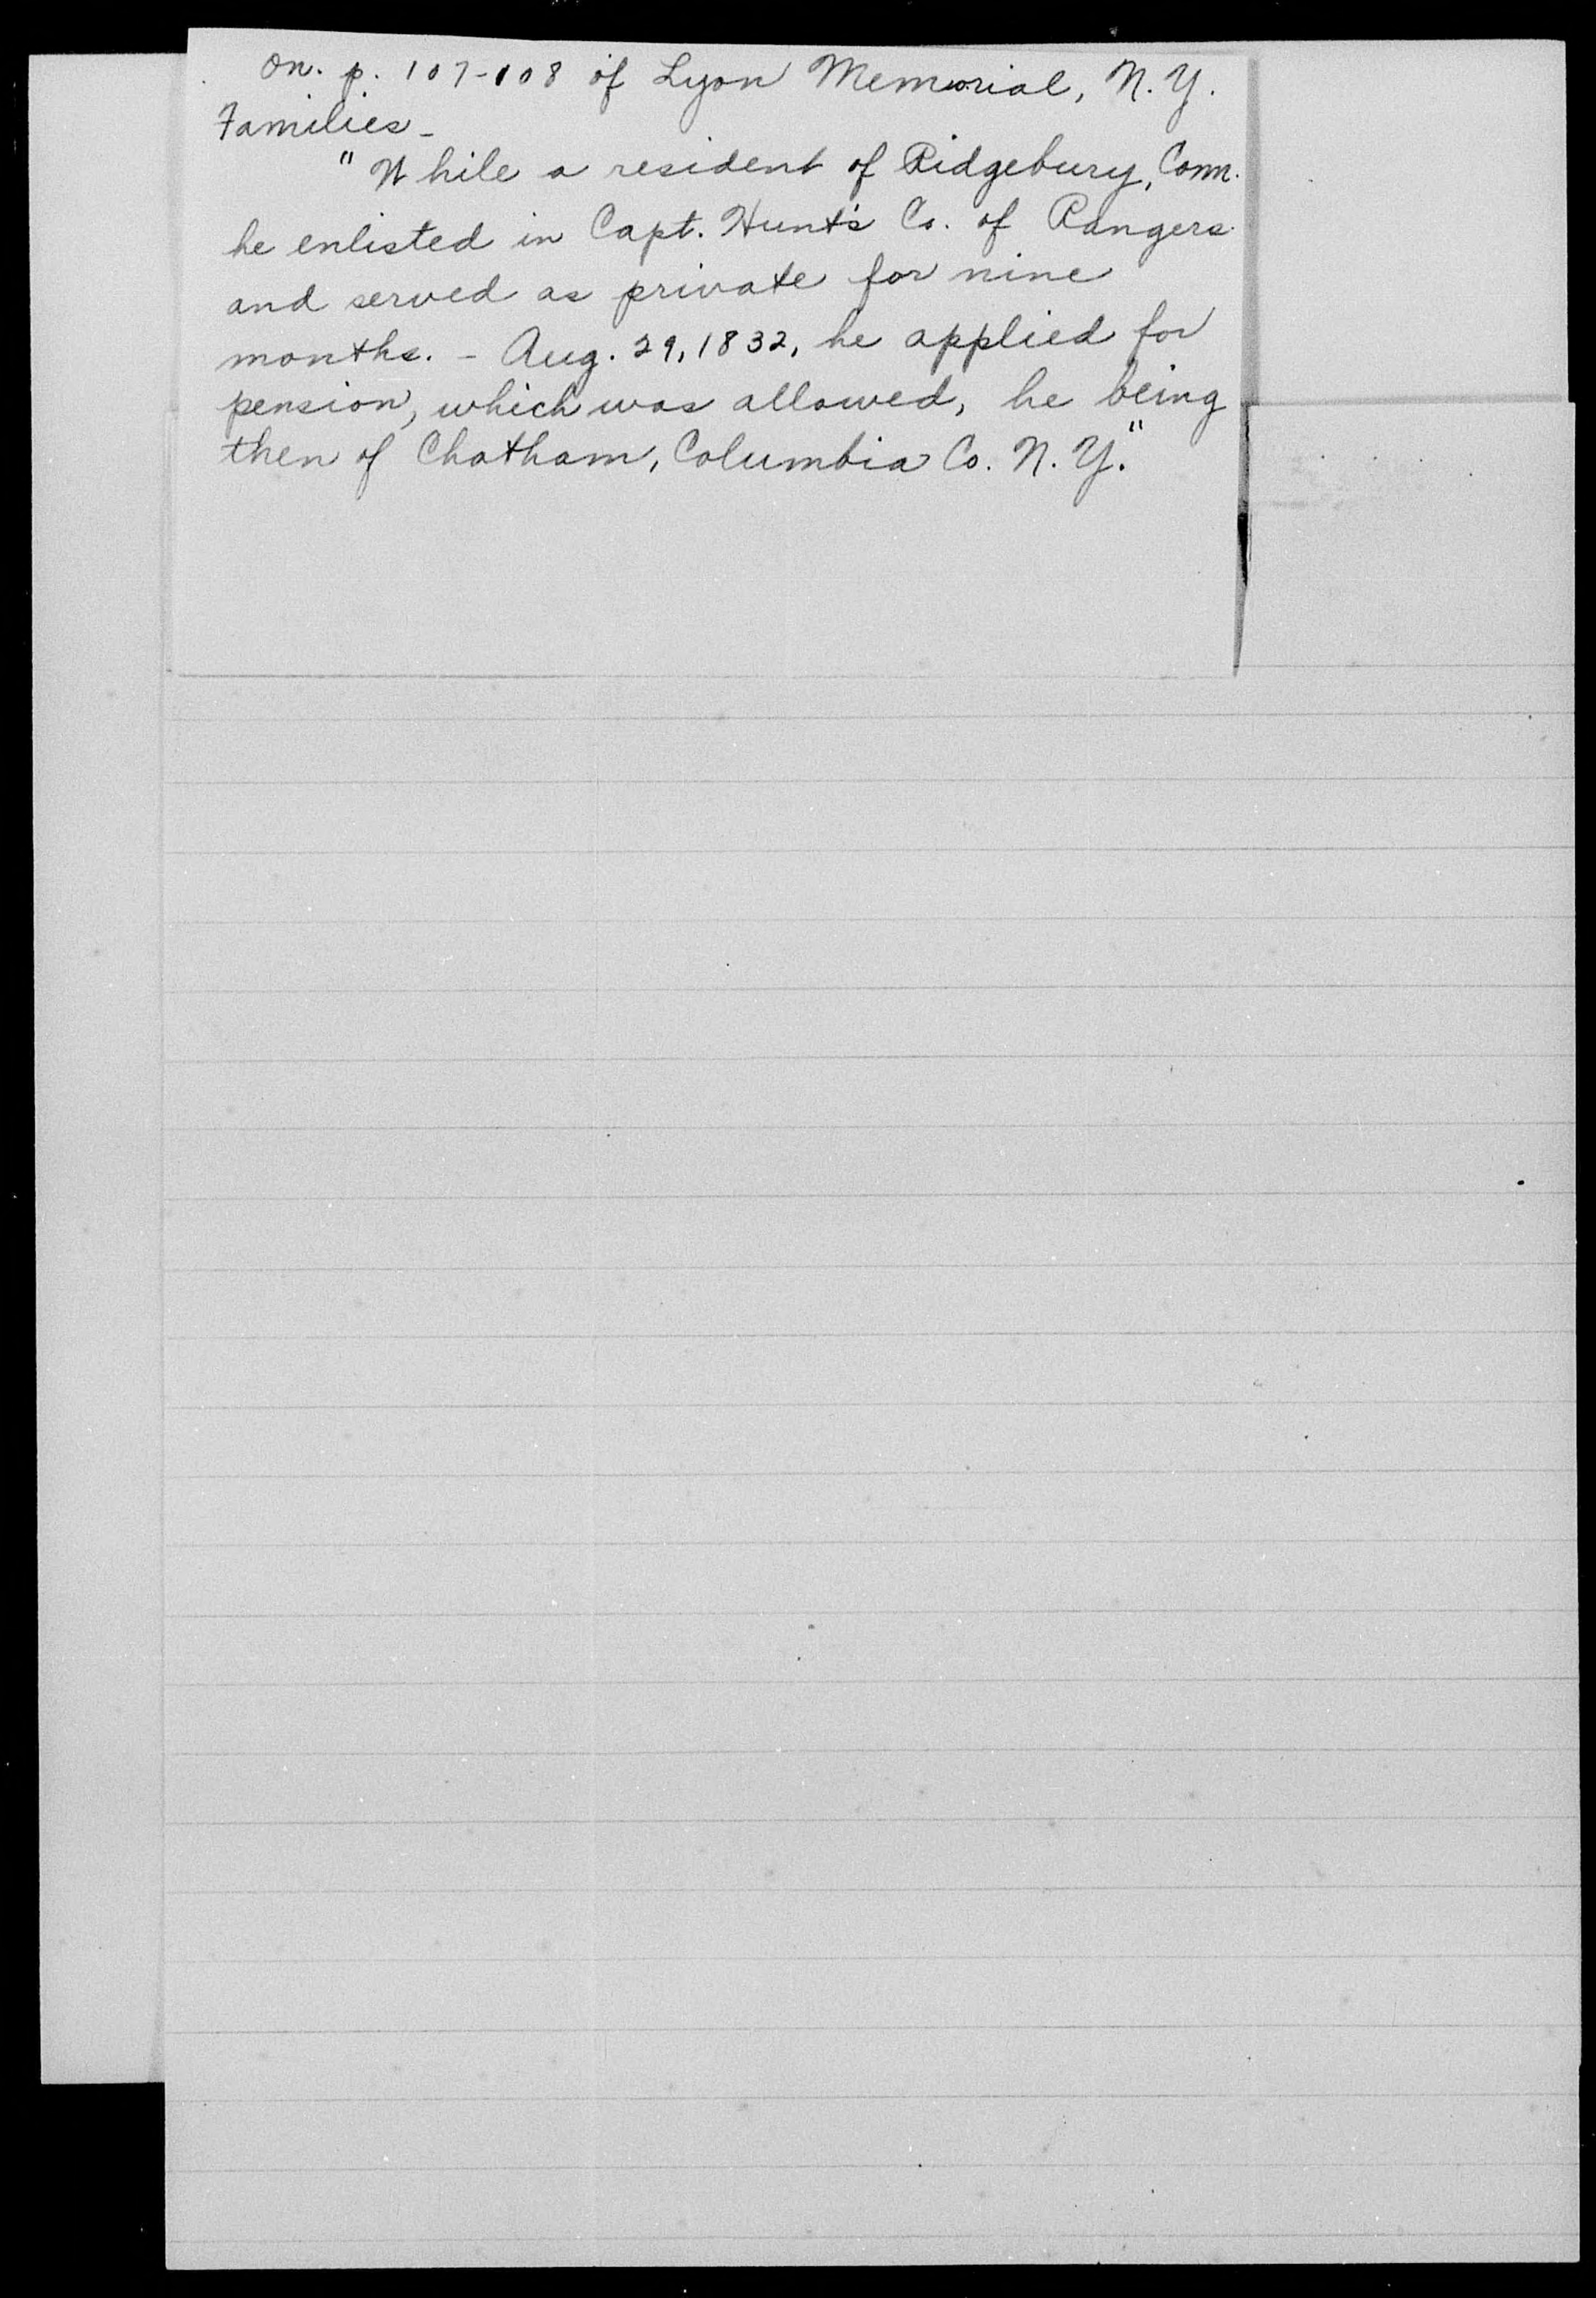On p. 107-108 of Lyon Memorial, N.Y.
Families-
"While a resident of Ridgebury, Conn.
he enlisted in Capt. Hunt's Co. of Rangers
and served as private for nine
months. - Aug. 29, 1832, he applied for
pension, which was allowed, he being
then of Chatham, Columbia Co. N.Y."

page: 15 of 28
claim: survivor's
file: S. 21,872, for Thomas Lyon, New York